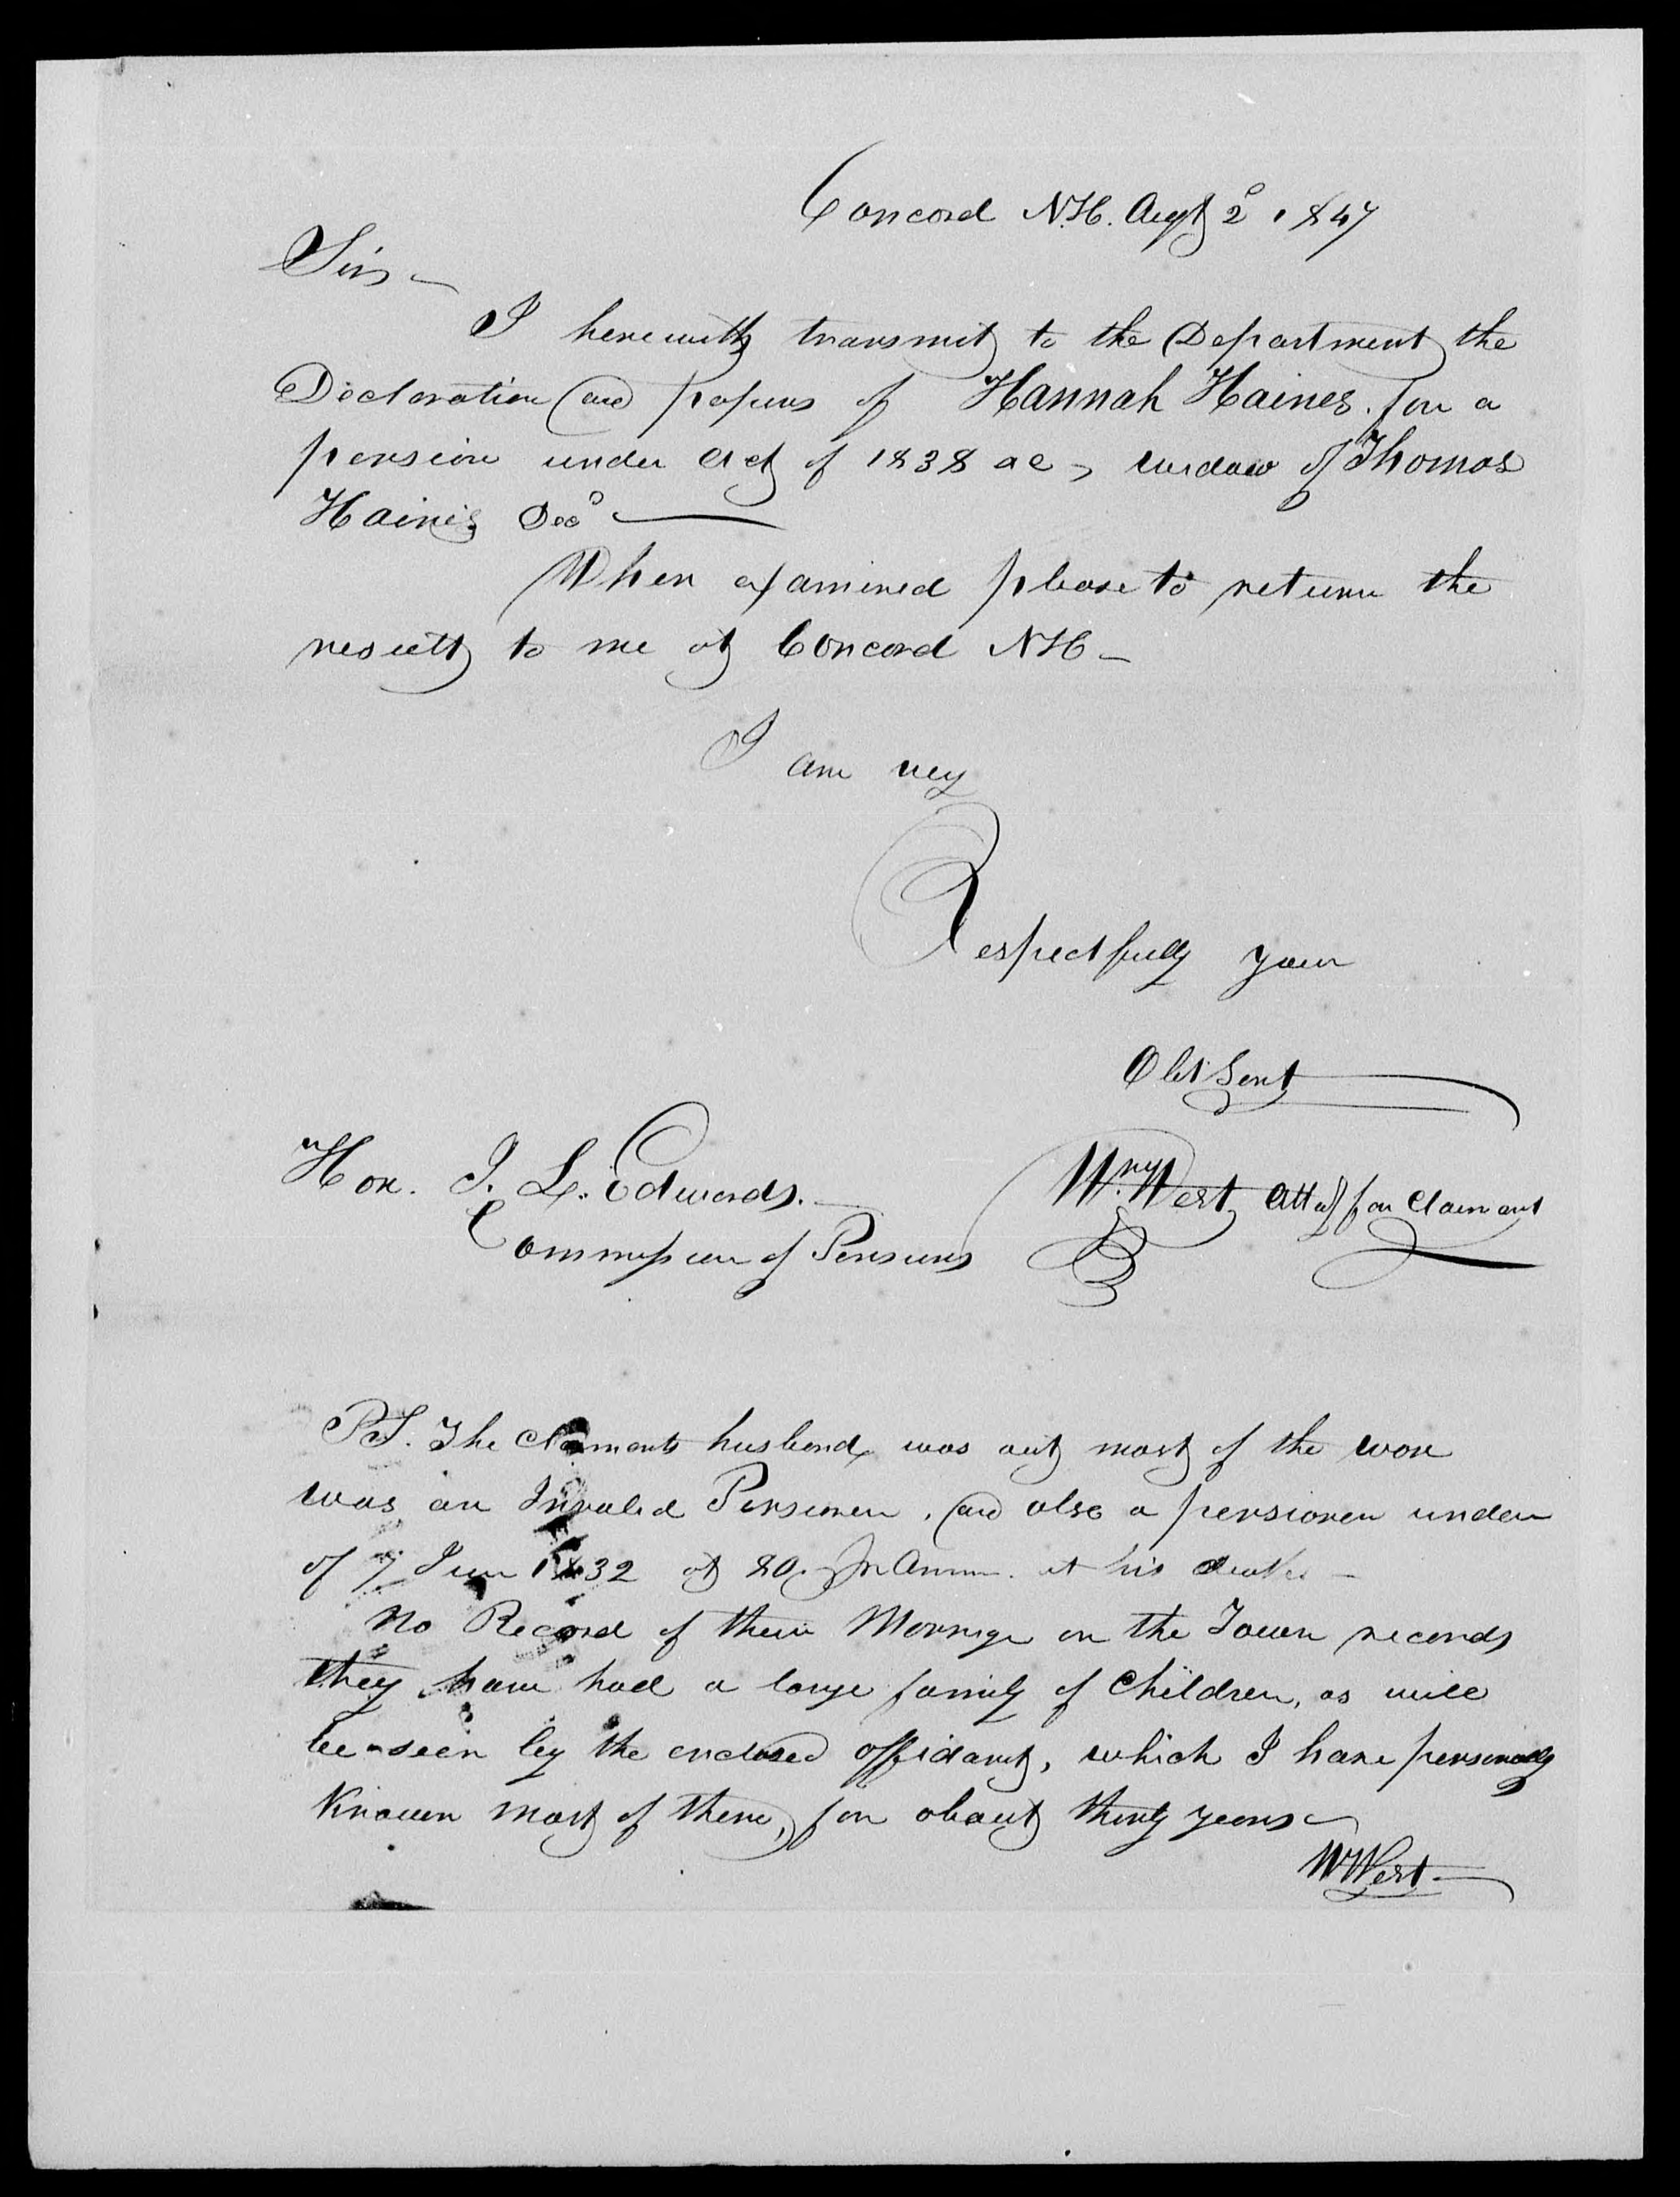Concord NH Augh 2d 1847

Sirs
I herewith transmit to the Department the Declaration and papers of Hannah Haines for a pension under act of 1838 ad, widow of Thomas Haines, Decd

When examined please to return the result to me at Concord NH

I am very
Respectfully your
Obt Servt

Wm West Attny for claimant

Hon J L Edwards
Commissioner of Pensions

PS The claimants husband was out most of the war was an Invalid Pensioner, and also a pensioner under of 7 Jun 1832 at 80 per annum it his ?
No Record of their Marrige[sp] in the Town records they have had a large family of children, as will as seen by the enclosed affidavit, which I have personally known most of them, for about thirty years 
W West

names: W West, Thomas Haines, Wm West, J L Edwards, Hannah Haines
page: 37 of 57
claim: widow's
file: W. 23217, Thomas Haines, N H